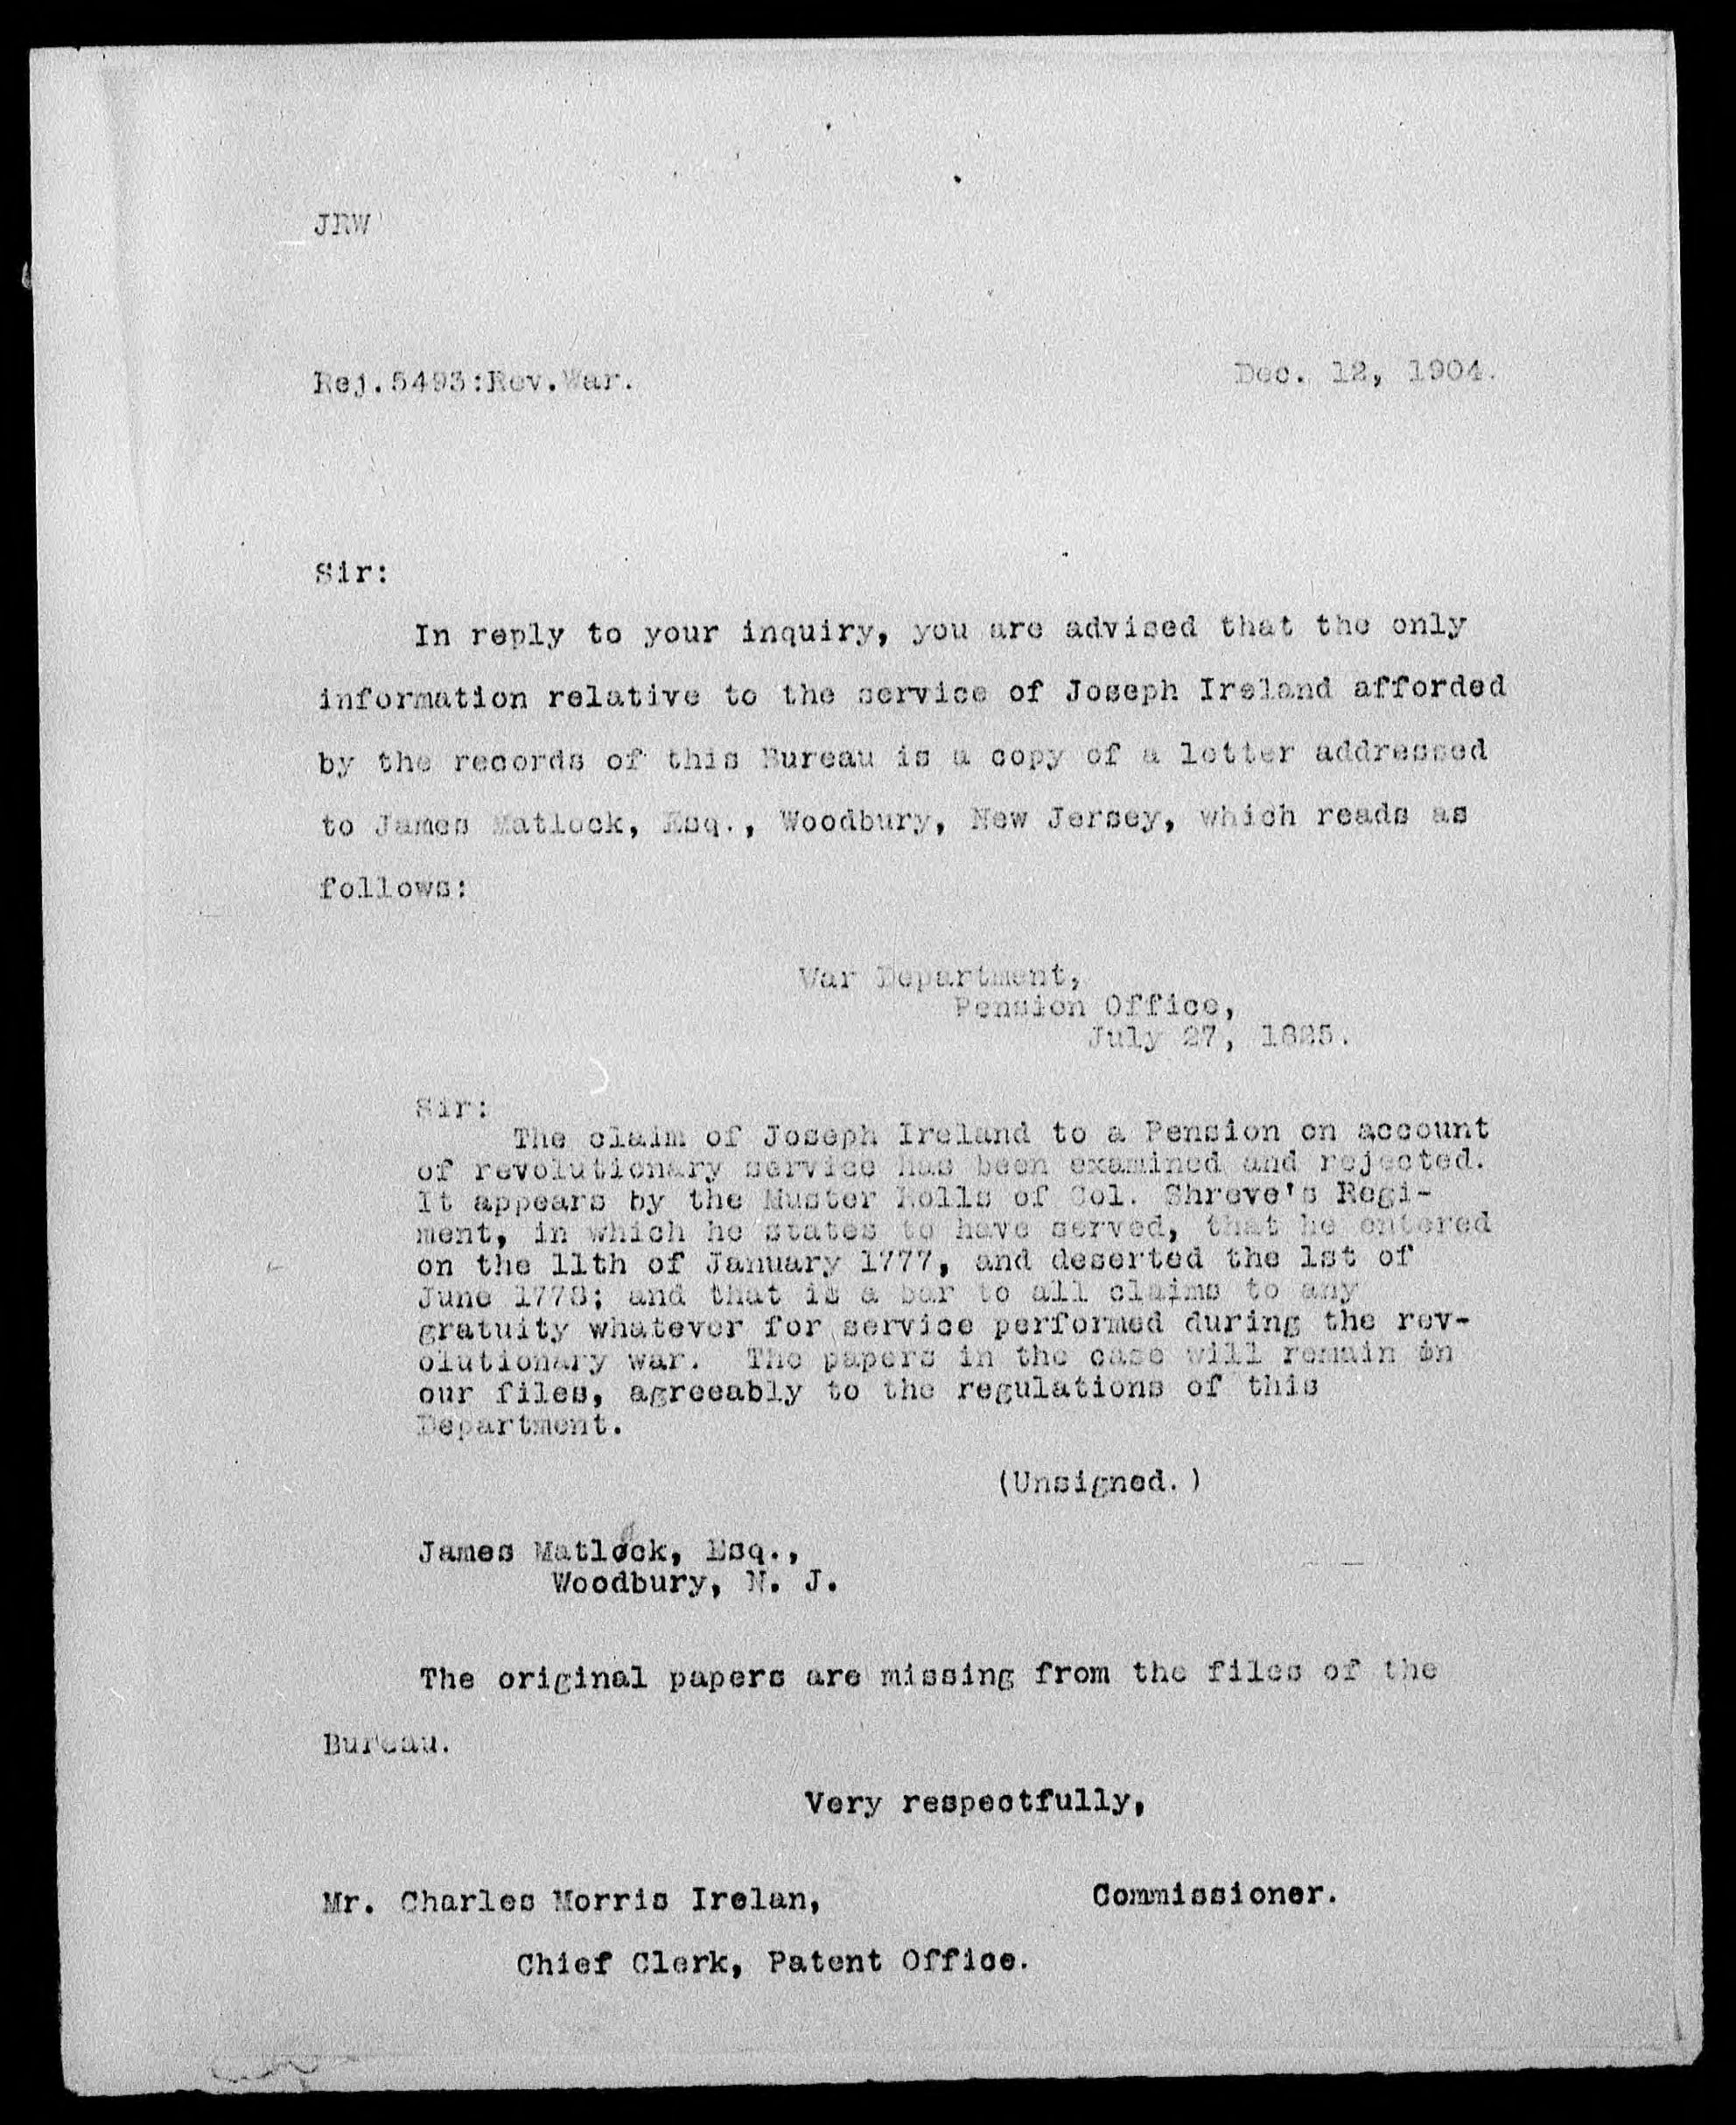JRW
Rej. 5493: Rev. War.
Dec. 12, 1904.
Sir:
In reply to your inquiry, you are advised that the only information relative to the service of Joseph Ireland afforded by the records of the Bureau is a copy of a letter addressed to James Matlock, Esq., Woodbury, New Jersey, which reads as follows:
War Department, Pension Office, July 27, 1825.
Sir:
The claim of Joseph Ireland to a Pension on account of revolutionary service has been examined and rejected. It appears by the Muster Rolls of Col. Shreve's Regiment, in which he states to have served, that he entered on 11th of January 1777, and deserted the 1st of June 1778; and that is a bar to all claims to any gratuity whatever for service performed during the revolutionary war. The papers in the case will remain on our files, agreeable to the regulations of this Department. 
(Unsigned.)
James Matlock, Esq.,
Woodbury, N.J.
The original papers are missing from the files of the Bureau.
Very respectfully,
Mr. Charles Morris Irelan, Commissioner.
Chief Clerk, Patent Office.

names: Charles Morris Irelan; James Matlock; Joseph Ireland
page: 6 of 6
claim: rejected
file: R. 5493, for Joseph Ireland, New Jersey